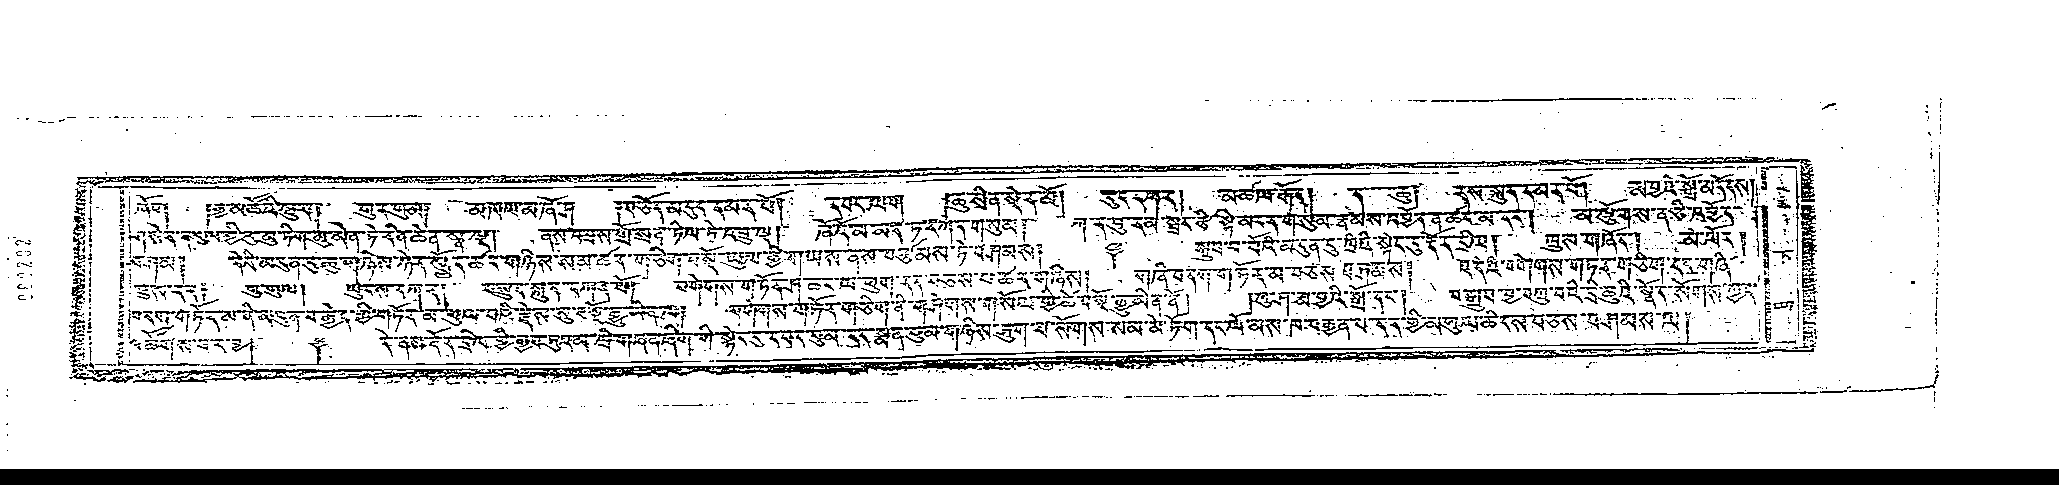ཞོག་རྒྱ་མཚོའི་ལྦུ་བ། གུར་གུམ། མཁལ་མ་ཞོ་ཤ་།བཅོད་མདུང་དམར་པོ། དབང་ལག །ཆུ་སྲིན་སྡེར་མོ། དུད་དཀར། མཚལ་རྒོད། ང་ཆུ། རས་སྐུད་དམར་པོ། རྨ་བྱའི་སྒྲོ་མདོངས།
གསེར་དངུལ་བྱི་རུ་མུ་ཏིག་མུ་མེན་ཏེ་རིན་ཆེན་སྣ་ལྔ། ནས་འབྲས་གྲོ་སྲན་ཏིལ་ཏེ་འབྲུ་ལྔ། ཞོ་འོ་མ་མར་ཏེ་དཀར་གསུམ། ཀ་ར་བུ་རམ་སྦྲང་རྩི་སྟེ་མངར་གསུམ་རྣམས་འབྱོར་ན་ཚད་མ་དང་། མ་ལྕོགས་ན་ཅི་འབྱོར་
བཤམ། དེའི་མདུན་དུ་ཆུ་གཉིས་ཉེར་སྤྱོད་ཚར་གཉིས་སམ་ཚར་གཅིག་བསྔོ་ཡུལ་གྱི་གཡས་ནས་བརྩམས་ཏེ་བཤམས། ༧་སྒྲུབ་པ་པོའི་མདུན་དུ་ཁྲིའི་སྟེང་དུ་རྡོར་དྲིལ། ཁྲུས་གཞོང་། མེ་ལོང་།
ཁྲུས་ངར། གུ་གུལ། ཡུངས་དཀར། བསྲུང་སྐུང་དཀར་པོ། བགེགས་གཏོར་ཤ་ཆང་ལ་ཕུག་དང་བཅས་པ་ཚར་གཉིས། གཞི་བདག་གཏོར་མ་བཅས་བཤམས། འདིའི་བགེགས་གཏོར་གཅིག་དང་གཞི་
བདག་གཏོར་མ་ནི་མདུན་བསྐྱང་ཀྱི་གཏོར་མ་ཕུལ་བའི་རྗེས་སུ་བསྔོ་རྒྱུ་ཡིན་ལ། བགེགས་གཏོར་གཅིག་ནི་གཤེགས་གསོལ་གྱི་ཚེ་བསྔོ་རྒྱུ་ཡིན་ནོ། །ཀུ་ཤ་རྨ་བྱའི་སྒྲོ་དང་། བསྒྲུབ་བྱ་བགུ་བའི་དྲི་ཆུའི་སྣོད་སོགས་ཀྱང་
འཚོགས་པར་བྱ། ༈ དེ་ནས་རྡོར་དྲིལ་གྱི་རྒྱབ་ཏུ་འམ་ཁྲི་གཞན་ཞིག་གི་སྟེང་དུ་དབང་བུམ་དང་སྨན་བུམ་གཉིས་ཤུག་པ་སོགས་སམ་མེ་ཏོག་དད་ལོམས་ཁ་བརྒྱན་པ་དར་གྱི་མགུལ་ཆིངས་བཅས་བཤམས་ལ།